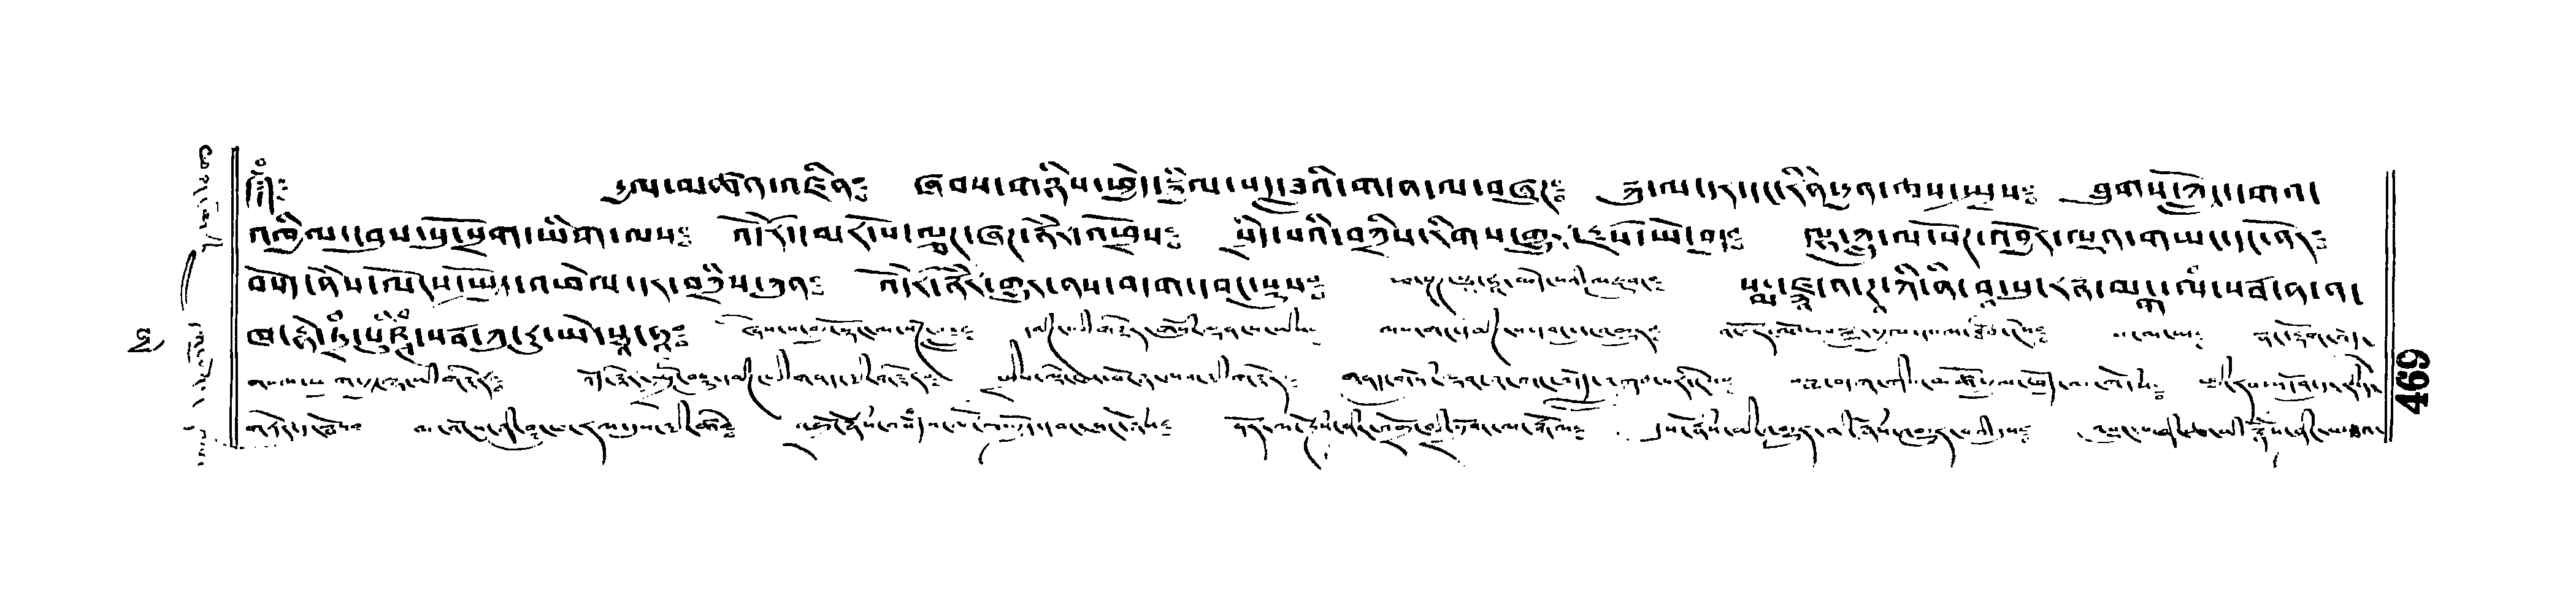རྒྱལ་མཚན་འཛིན༔ ཞབས་གཉིས་ཕྱེད་སྐྱིལ་པད་ཟླའི་གདན་ལ་བཞུགས༔ སྐུ་ལ་དར་དང་རིན་ཆེན་རྒྱན་ཆས་སྤྲས༔ ཐུགས་ཀློང་དགའ་
འཁྱིལ་དབུས་སུ་སྲོག་ཡིག་ལས༔ འོད་ཟེར་དམར་པོ་ལྕགས་ཞགས་རྣམ་པར་འཕྲོས༔ སྲིད་པའི་བཀྲ་ཤིས་རིགས་གྱུར་རྫས་ཡོ་བྱད༔ ལྷ་ཀླུ་ལ་སོགས་འབྱོར་ལྡན་གཡང་དང་ནོར༔ 
བསོད་ནམས་ལོངས་སྤྱོད་འཕེལ་དར་བཀྲ་ཤིས་ཀུན༔ འོད་ཟེར་རྣམ་པར་གྱུར་ནས་བདག་དབང་སྡུས༔ རྩ་སྔགས་སྭཱ་ཧཱ་མེད་པའི་མཇུག༔ པདྨ་ཛྙཱ་ན་ཌཱ་ཀི་ནི་བཱ་སུ་རཏྣ་མངྒ་ལཾ་སརྦ་ན་ན་
ཁ་དྷེ་ཏྲཾ་པུཥྚིཾ་སརྦ་ཀུ་རུ་ཡེ་སྭཱ་ཧཱ༔ ཞེས་པ་བརྒྱ་སྟོང་ལ་སོགས་བཟླ༔ དམིགས་པའི་གཟེར་གསུམ་ལྡན་པ་ཡིས༔ ལས་གང་དམིགས་པ་དབང་དུ་འགྱུར༔ འཁོར་ལོས་བསྒྱུར་རྒྱལ་དཔལ་ཐོབ་ངེས༔ ས་མ་ཡ༔ སྣང་རྟོག་འོད་
གསལ་ཕྱག་རྒྱ་ལྷ་ཡི་གཟེར༔ འོད་ཟེར་སྤྲོ་བསྡུ་དམིགས་པའི་གནད་ཀྱི་གཟེར༔ ཕྲིན་ལས་ལྡེ་ཁ་ཕོ་ཉ་ལས་ཀྱི་གཟེར༔ གནད་གསུམ་ལྡན་ན་གང་འདོད་འགྲུབ་པར་ངེས༔ པདྨ་བདག་གིས་མཚོ་རྒྱལ་ཁྱོད་ལ་གདམས༔ ཕྱི་རབས་དོན་དུ་རིན་ཆེན་
གཏེར་དུ་སྦོས༔ མ་འོངས་ཉི་ཤུ་ཁ་རལ་དུས་ཀྱི་ཚེ༔ འགྲོ་རྣམས་བསོད་ནམས་ལོངས་སྤྱོད་དབང་ཐང་ཉམས༔ ནོར་ལ་རྔམས་ཤིང་འགྲོ་བའི་སྲོག་ལ་རྒོལ༔ དུས་རྣམས་མི་འགྱུར་མི་རྣམས་འགྱུར་བའི་དུས༔འབྱུང་བཞི་ཆ་མི་སྙོམས་ཤིང་མཐའ་